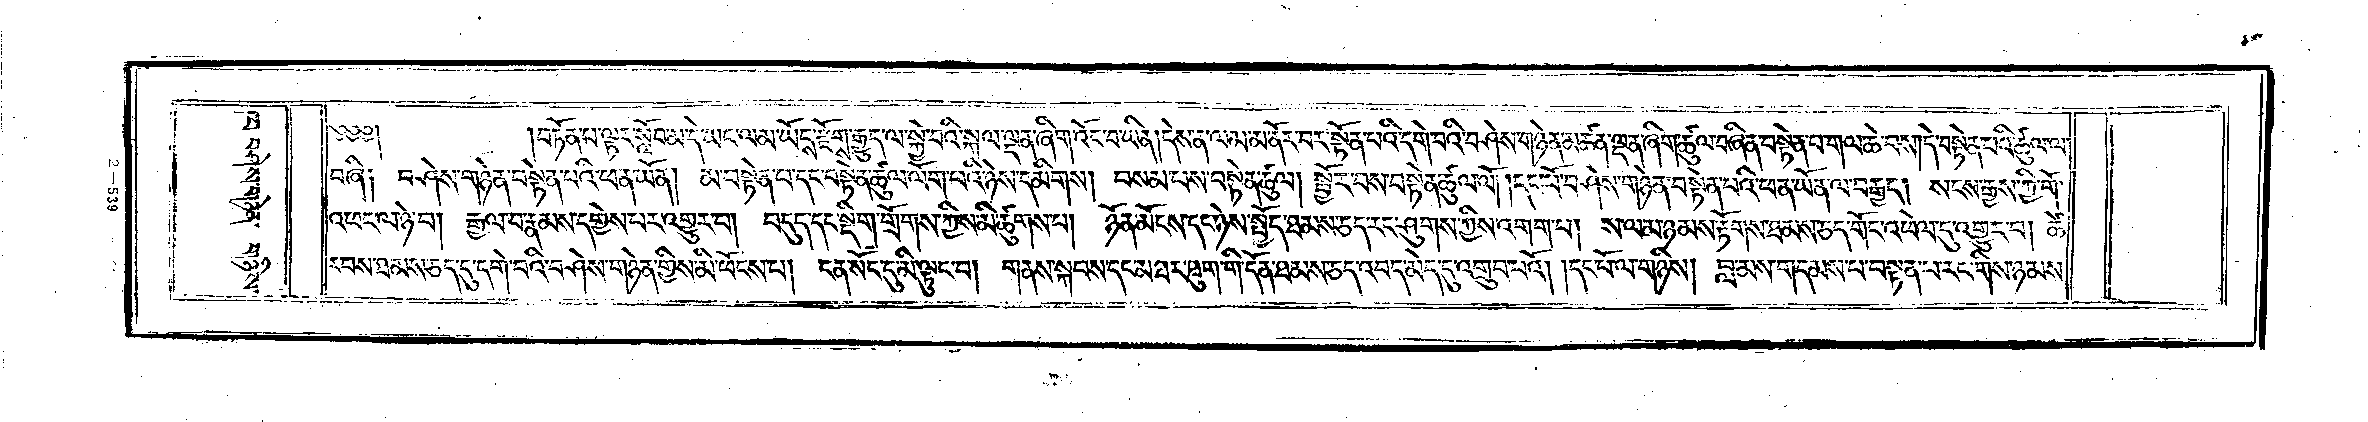༄༅༅། །བཏོན་པ་ལྟར་སློབ་མ་དེ་ཡང་ལམ་ཡོངས་རྫོགས་རྒྱུད་ལ་སྐྱེ་བའི་སྐལ་ལྡན་ཞིག་འོང་བ་ཡིན་།དེས་ན་ལམ་མ་ནོར་བར་སྟོན་པའི་དགེ་བའི་བཤེས་གཉེན་མཚན་ལྡན་ཞིག་ཚུལ་བཞིན་བསྟེན་པ་གལ་ཆེ་བས་།དེ་བསྟེན་པའི་ཚུལ་ལ་
བཞི༑ བཤེས་གཉེན་བསྟེན་པའི་ཕན་ཡོན། མ་བསྟེན་པ་དང་བསྟེན་ཚུལ་ལོག་པའི་ཉེས་དམིགས། བསམ་པས་བསྟེན་ཚུལ། སྦྱོར་བས་བསྟེན་ཚུལ་ལོ། །དང་པོ་བཤེས་གཉེན་བསྟེན་པའི་ཕན་ཡོན་ལ་བརྒྱད། སངས་རྒྱས་ཀྱི་གོ་
འཕང་ལ་ཉེ་བ། རྒྱལ་བ་རྣམས་དགྱེས་པར་འགྱུར་བ། བདུད་དང་སྡིག་གྲོགས་ཀྱིས་མི་ཚུགས་པ། ཉོན་མོངས་དང་ཉེས་སྤྱོད་ཐམས་ཅད་རང་ཤུགས་ཀྱིས་འགག་པ། ས་ལམ་ཉམས་རྟོགས་ཐམས་ཅད་གོང་འཕེལ་དུ་འགྱུར་བ། ཚེ་
རབས་ཐམས་ཅད་དུ་དགེ་བའི་བཤེས་གཉེན་གྱིས་མི་ཕོངས་པ། ངན་སོང་དུ་མི་ལྟུང་བ། གནས་སྐབས་དང་མཐར་ཐུག་གི་དོན་ཐམས་ཅད་འབད་མེད་དུ་འགྲུབ་པའོ། །དང་པོ་ལ་གཉིས། བླ་མས་གདམས་པ་བསྟན་པ་རང་གིས་ཉམས་